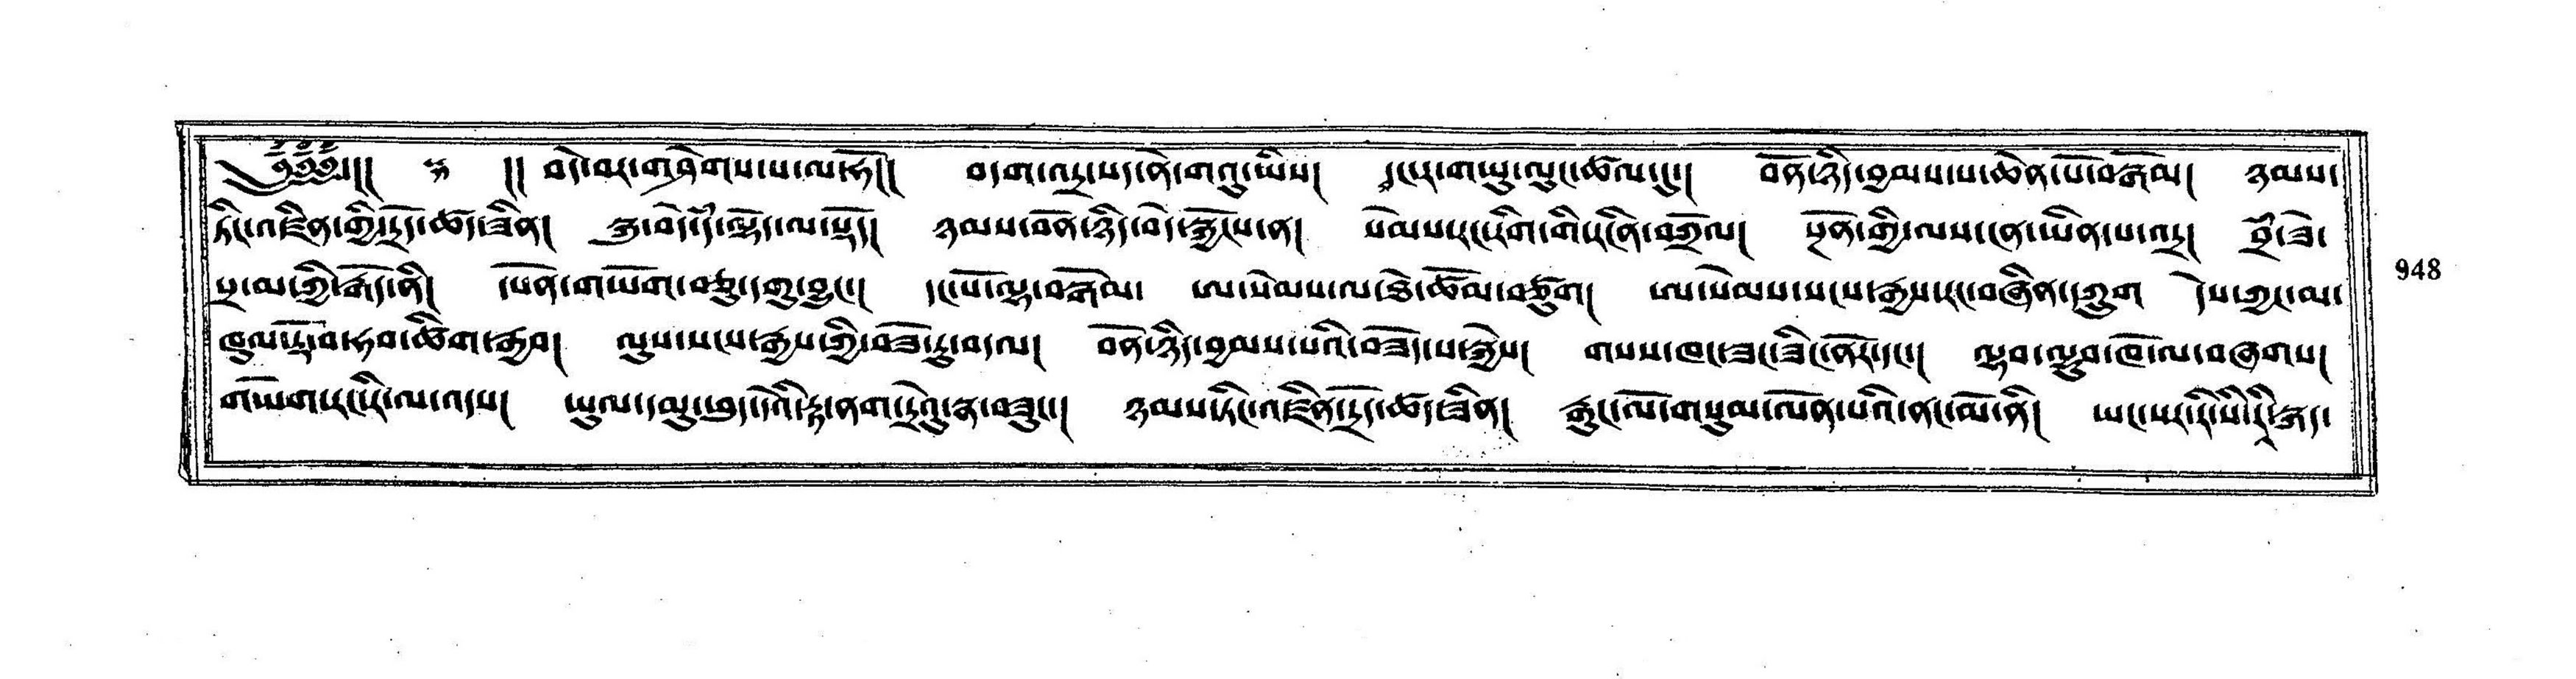༄༅༅།། །།བདེ་བར་གཤེགས་པ་ལ་ཧོ།། བདག་འདྲ་སད་ནེ་གའུ་ཡིས། དྭང་ར་གཡུ་ལུང་ཚལ་དུ། བོན་ཉིད་བྱམས་པ་ཆེན་པོ་བསྒོམ། ཉམས་
ཏིང་འཛིན་གྱི་དྲོད་ཚད་ཟིན། སྐུ་བདེ་དམ་ལྷོད་ལ་སྡོད། ཉམས་བོན་ཉིད་བདེ་སྐྱོངས་ན། སེམས་རང་རིག་གི་རང་བཞིན་བཀྲོལ། སྔོན་གྱི་ལས་ངན་ཡིན་པ་འདྲ། བྲམ་ཟེ་
པྲ་མ་ཀྱི་རྒོད་ནི། དཔོན་གཡོག་བཅུ་དགུ་བྱུང་། དང་པོ་ལྷ་བསྒོམ། ཨ་སེམས་ལ་ཐེ་ཚོམ་བཙུག ཨ་སེམས་སངས་རྒྱས་རང་བཞིན་དཀྲུག དེས་ཀྱང་མ་
ཁུམ་རྡོ་བ་ཧབ་ཚིག་རྒྱབ། ལུས་སངས་རྒྱས་ཀྱི་བཟོ་ཏུ་བདལ། བོན་ཉིད་བྱམས་པའི་བཟོད་པ་སྐྱེས། གསས་ཁང་ཟང་ཟིང་ནོར་དང་། ལྷབ་ལྷུབ་ཁོ་ལ་བཞགས། 
གཡོག་རང་རི་ལ་འདས། ཡུལ་དམུ་ཕུད་དེའི་རྟ་ནག་དྲེའུ་སྣ་བཟུང་། ཉམས་ཏིང་འཛིན་དྲོད་ཚད་ཟིན། རྒུང་ལོ་གསུམ་ལོན་པའི་ནང་མོ་ནི། ཡང་སྲ་རི་སི་རཱི་སྐད་